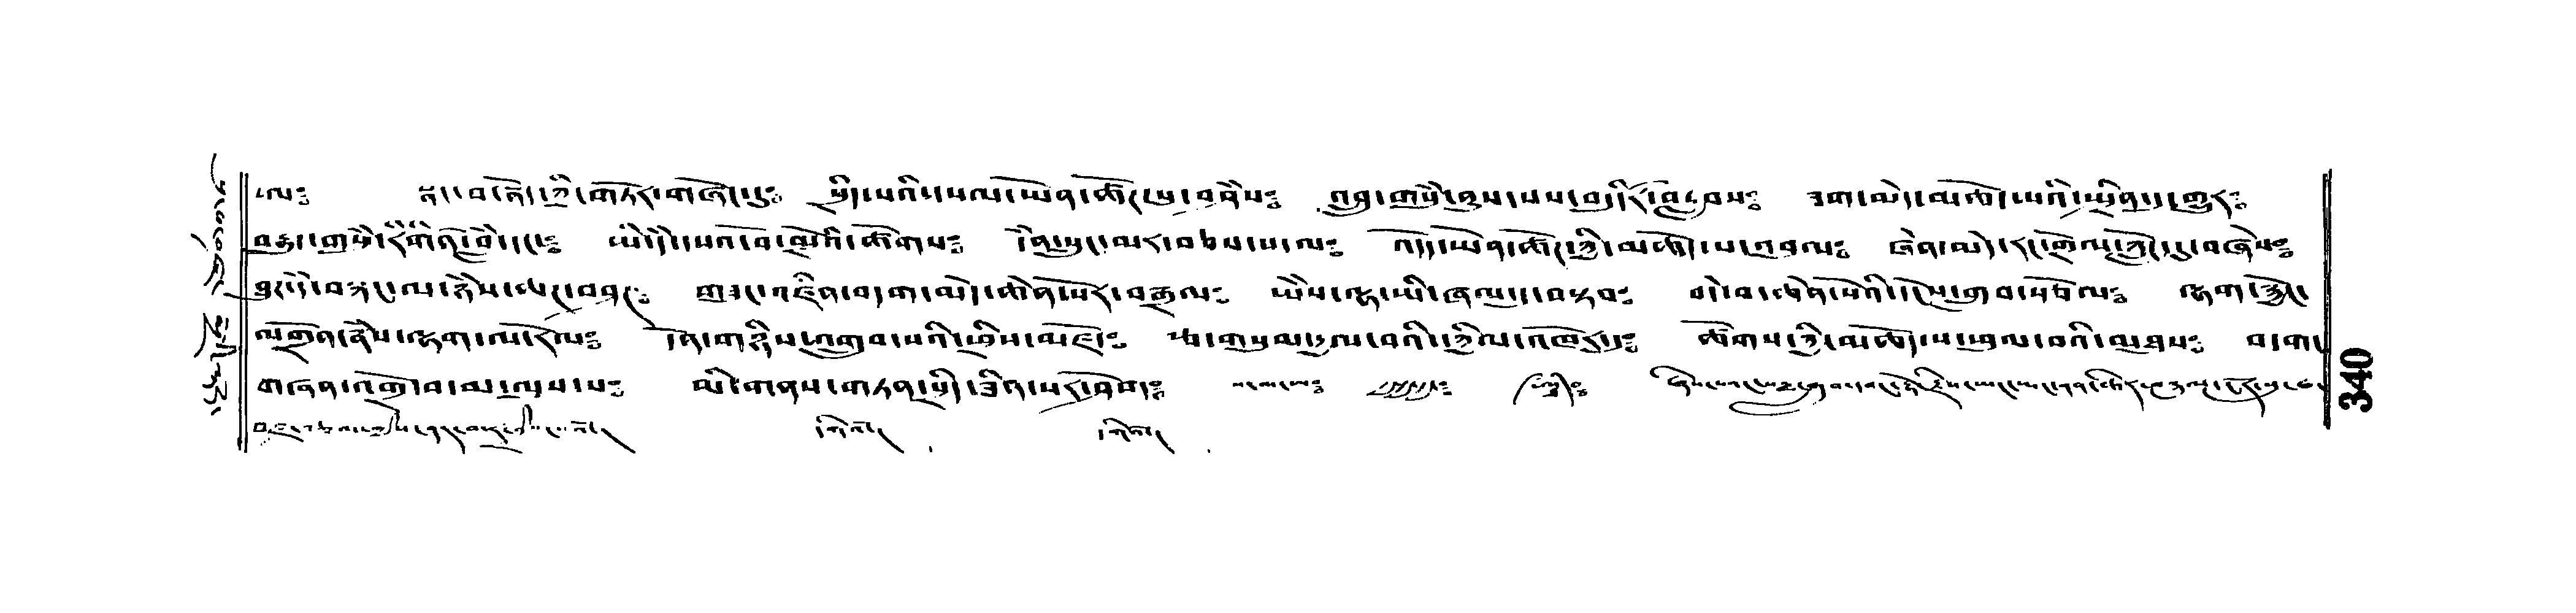ཨཱཿ སྣང་བ་སྣོད་ཀྱི་གཏོར་གཞོང་དུ༔ སྲིད་པའི་དཔལ་ཡོན་ཚོགས་སུ་བཤམས༔ འབྲུ་གསུམ་ནུས་པས་བདུད་རྩིར་བརླབས༔ ཟག་མེད་མཆོད་པའི་སྤྲིན་དུ་གྱུར༔ 
བརྒྱུད་གསུམ་རིག་འཛིན་བླ་མ་དང༔ ཡི་དམ་དཔའ་བོ་མཁའ་འགྲོའི་ཚོགས༔ དམ་ཅན་སྲུང་མར་བཅས་པ་ལ༔ འདོད་ཡོན་ཚོགས་ཀྱི་མཆོད་པ་འབུལ༔ ཞེན་མེད་རང་གྲོལ་ཀློང་དུ་བཞེས༔ 
ཐུགས་དམ་བསྐང་ལ་ཉམས་ཆགས་བཤགས༔ གཟུང་འཛིན་བདག་མེད་ཆེན་པོར་བསྒྲལ༔ ཡེ་ཤེས་ལྷ་ཡི་ཞལ་དུ་བསྟབ༔ བདེ་བ་ཆེན་པོའི་དངོས་གྲུབ་སྩོལ༔ ལྷག་སྐྱོང་
མགྲོན་རྣམས་ལྷག་ལ་རོལ༔ དོན་གཉིས་འགྲུབ་པའི་ཕྲིན་ལས་མཛོད༔ རྩ་གསུམ་རྒྱལ་བའི་དཀྱིལ་འཁོར་དུ༔ ཚོགས་ཀྱི་མཆོད་པ་ཕུལ་བའི་མཐུས༔ བདག་
གཞན་འགྲོ་བ་མ་ལུས་པ༔ མི་གནས་གཏན་སྲིད་ཟིན་པར་ཤོག༔ ས་མ་ཡ༔ རྒྱ་རྒྱ་རྒྱ༔ ༔ ཞེས་པའང་པདྨ་གྲུབ་དབང་རྡོ་རྗེས་ཡང་ཡང་ནན་ཆེར་བསྐུལ་ངོར་སུ་ཁ་
བཛྲ་རྩལ་གྱིས་ཤར་མར་བྲིས་པའོ།། དགེའོ།